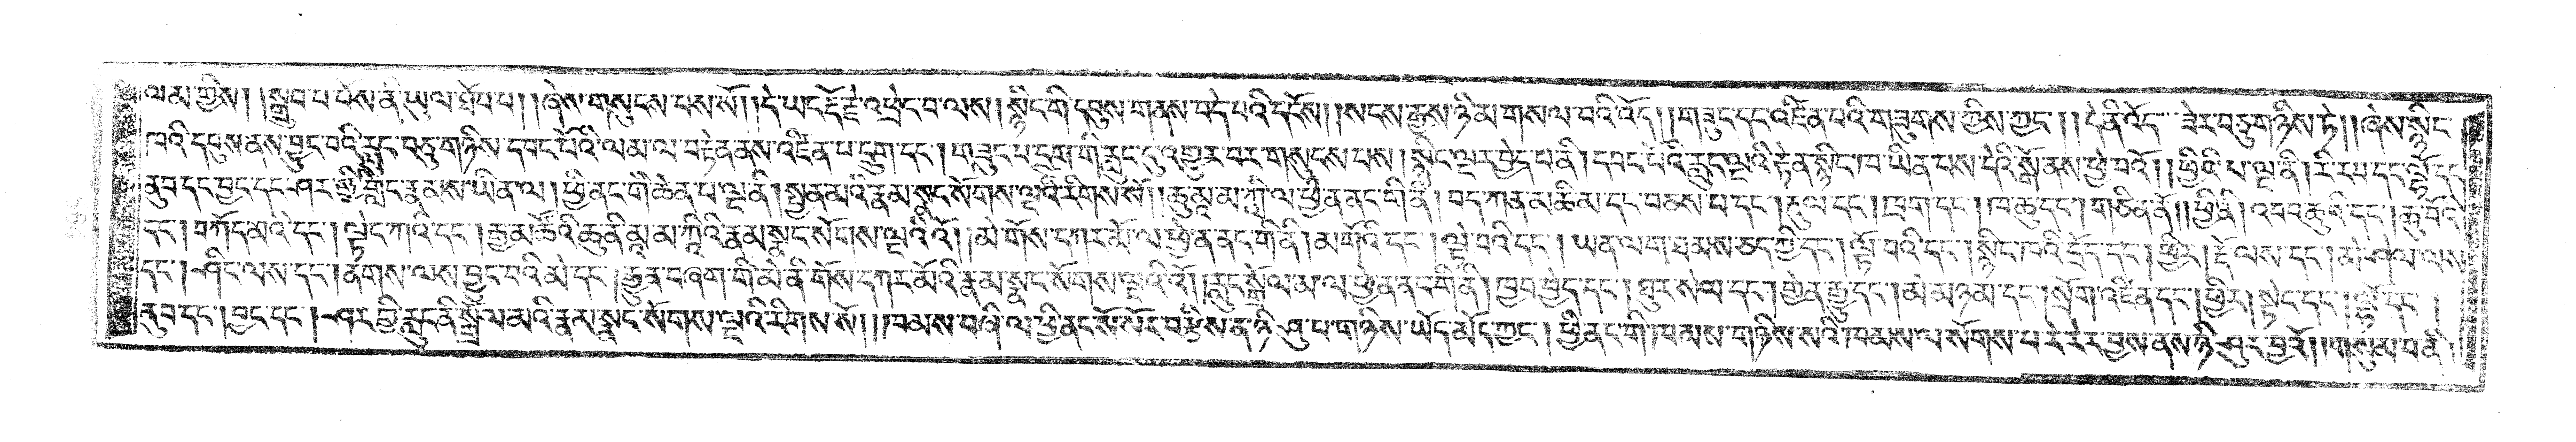ལམ་གྱིས། །སྒྲུབ་པ་པོས་ནི་ཡུལ་ཐོབ་པ། །ཞེས་གསུངས་པས་སོ། །དེ་ཡང་རྡོ་རྗེ་འཕྲེང་བ་ལས། སྙིང་གི་དབུས་གནས་བདེ་བའི་དངོས། །སངས་རྒྱས་ཉི་མ་གསལ་བའི་འོད། །གཟུང་དང་འཛིན་པའི་གཟུགས་ཀྱིས་ཀྱང་། །དེ་ནི་འོད་ཟེར་བཅུ་གཉིས་ཏེ། །ཞེས་སྙིང་
ཁའི་དབུས་ནས་བྱུང་བའི་རླུང་བཅུ་གཉིས་དབང་པོའི་ལམ་ལ་བརྟེན་ནས་འཛིན་པ་དྲུག་དང་། གཟུང་བ་དྲུག་གི་རླུང་དུ་འགྱུར་བར་གསུངས་པས། སྙིང་ལྔར་བྱེད་པ་ནི། དབང་པོའི་རླུང་ལྔའི་རྟེན་སྙིང་ཁ་ཡིན་པས་དེའི་སྒོ་ནས་ཕྱེ་བའོ། །ཕྱིའི་ལ་ལྔ་ནི། རི་རབ་དང་ལྷོ་དང་
ནུབ་དང་བྱང་དང་ཤར་གྱི་གླིང་རྣམས་ཡིན་ལ། ཕྱི་ནང་གི་ཚན་པ་ལྔ་ནི། སྤྱན་མའི་རྣམ་སྣང་སོགས་ལྔའི་རིགས་སོ། །ཆུ་མཱ་མ་ཀླི་ལ་ཕྱེ་ན་ནང་གི་ནི། བད་ཀན་མཆི་མ་དང་བཅས་པ་དང་། རྡུལ་དང་། ཁྲག་དང་། ཁ་ཆུ་དང་། གཅིན་ནོ། །ཕྱི་ནི། འབབ་ཆུའི་དང་། ཆུ་བའི་
དང་། བཀོད་མའི་དང་། ལྟེང་ཀའི་དང་། རྒྱ་མཚོའི་ཆུ་ནི་མཱ་མ་ཀཱིའི་རྣམ་སྣང་སོགས་ལྔའི་འོ། །མེ་གོས་དཀར་མོ་ལ་ཕྱེ་ན་ནང་གི་ནི། མགོའི་དང་། ལྟེ་བའི་དང་། ཡན་ལག་ཐམས་ཅད་ཀྱི་དང་། ལྟོ་བའི་དང་། སྙིང་ཁའི་དྲོད་དང་། ཕྱིར། རྡོ་ལས་དང་། མེ་ཤེལ་ལས་
དང་། ཤིང་ལས་དང་། ནགས་ལས་བྱུང་བའི་མེ་དང་། རྒྱུན་བཞག་གི་མེ་ནི་གོས་དཀར་མོའི་རྣམ་སྣང་སོགས་ལྔའི་འོ། །རླུང་སྒྲོལ་མ་ལ་ཕྱེ་ན་ནང་གི་ནི། ཁྱབ་བྱེད་དང་། ཐུར་སེལ་དང་། གྱེན་རྒྱུ་དང་། མེ་མཉམ་དང་། སྲོག་འཛིན་དང་། ཕྱིར། སྟེང་དང་། ལྷོ་དང་།
ནུབ་དང་། བྱང་དང་། ཤར་གྱི་རླུང་ནི་སྒྲོལ་མའི་རྣམ་སྣང་སོགས་ལྔའི་རིགས་སོ། །ཁམས་བཞི་ལ་ཕྱི་ནང་སོ་སོར་བརྩིས་ན་ཉི་ཤུ་པ་གཉིས་ཡོད་མོད་ཀྱང་། ཕྱི་ནང་གི་ཁམས་གཉིས་སའི་ཁམས་ལ་སོགས་པ་རེ་རེར་བྱས་ནས་ཉི་ཤུར་བྱའོ། །གསུམ་པ་ནི།